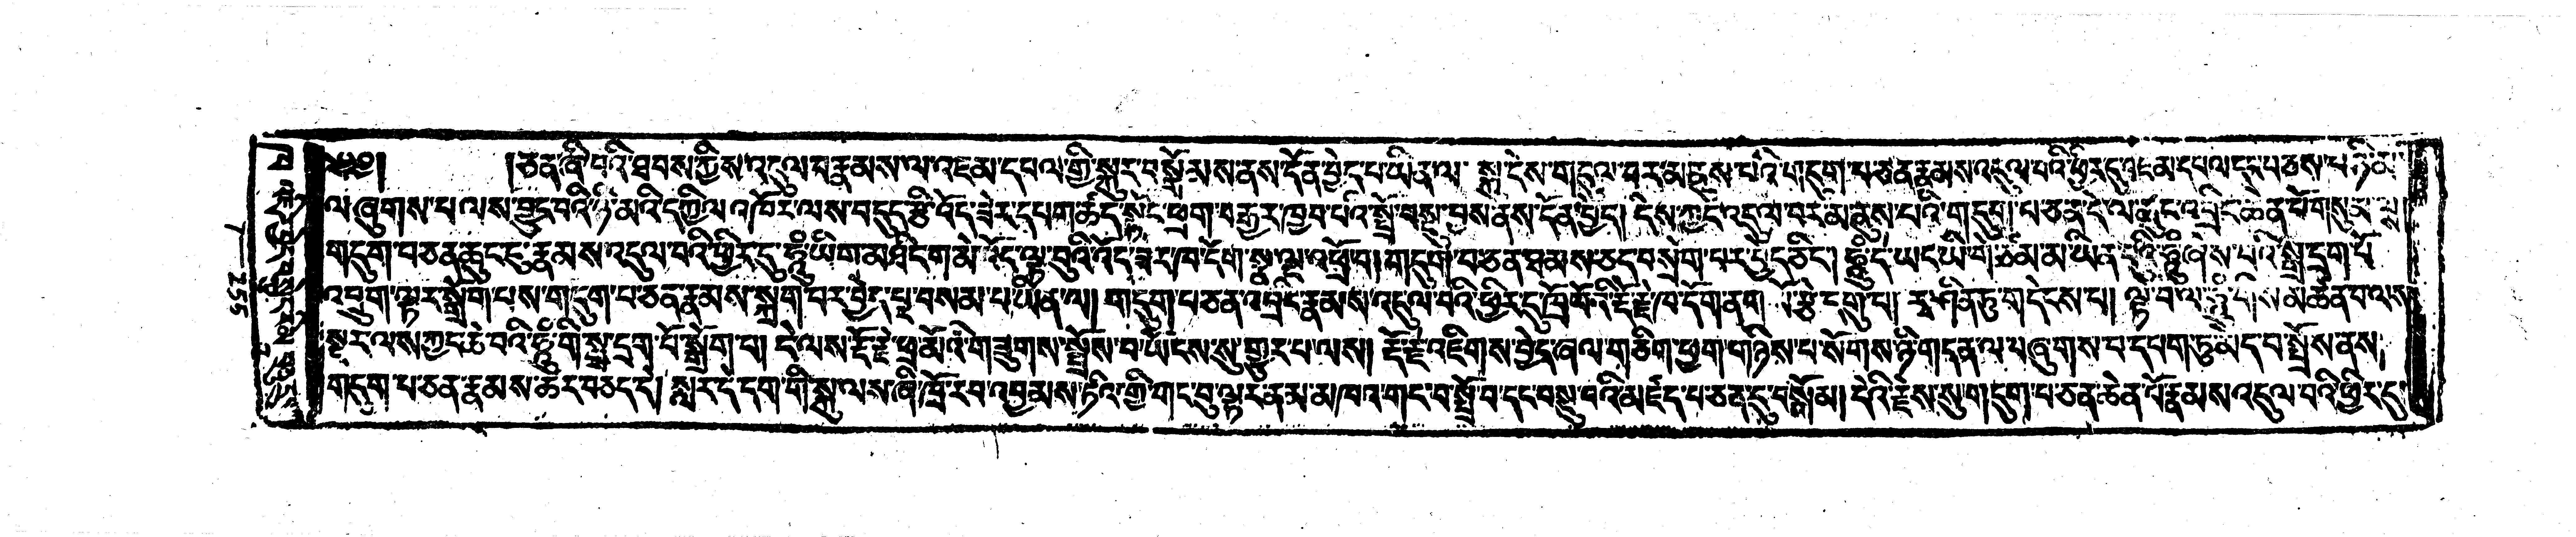༄༅། །ཅན་ཞི་པའི་ཐབས་ཀྱིས་འདུལ་བ་རྣམས་ལ་འཇམ་དཔལ་གྱི་སྐུར་བསྒོམས་ནས་དོན་བྱེད་པ་ཡིན་ལ། སྐུ་ངེས་གདུལ་བར་མ་ནུས་པའི་གདུག་པ་ཅན་རྣམས་འདུལ་བའི་ཕྱིར་དུ་འཇམ་དཔལ་དང་བཅས་པ་ཉི་མ་
ལ་ཞུགས་པ་ལས་བྱུང་བའི་ཉི་མའི་དཀྱིལ་འཁོར་ལས་བདུད་རྩི་འོད་ཟེར་དཔག་ཚད་སྟོང་ཕྲག་བརྒྱར་ཁྱབ་པའི་སྤྲོ་བསྡུ་བྱས་ནས་དོན་བྱེད། དེས་ཀྱང་འདུལ་བར་མ་ནུས་པའི་གདུག་པ་ཅན་དེ་ལ་ཆུང་འབྲིང་ཆེན་པོ་གསུམ་ལས་
གདུག་པ་ཅན་ཆུང་ངུ་རྣམས་འདུལ་བའི་ཕྱིར་དུ་ཧཱུཾ་ཡིག་མཐིང་ག་མེ་འོད་ལྟ་བུའི་འོད་ཟེར་ཁ་དོག་སྣ་ལྔ་འཕྲོག་གདུག་པ་ཅན་ཐམས་ཅད་བསྲེག་པར་བྱེད་ཅིང་། ཧཱུཾ་དེ་ཡང་ཡི་གེ་ཙམ་མ་ཡིན་པའི་ཧཱུཾ་ཞེས་པའི་སྒྲ་དྲག་པོ་
འབྲུག་ལྟར་སྒྲོག་པས་གདུག་པ་ཅན་རྣམས་སྐྲག་པར་བྱེད་པར་བསམ་པ་ཡིན་ལ། གདུག་པ་ཅན་འབྲིང་རྣམས་འདུལ་བའི་ཕྱིར་དུ་ཁྲོ་བོའི་རྡོ་རྗེ་ཁ་དོག་ནག་པོ་རྩེ་དགུ་བ། རྭ་ཤིན་ཏུ་གདེངས་པ། ལྟེ་བ་ལ་ཧཱུཾ་གིས་མཚན་པ་ལས་
སྔར་ལས་ཀྱང་ཆེ་བའི་ཧཱུཾ་གི་སྒྲ་དྲག་པོ་སྒྲོག་པ། དེ་ལས་རྡོ་རྗེ་ཕྲ་མོའི་གཟུགས་སྤྲོས་པ་ཡོངས་སུ་གྱུར་པ་ལས། རྡོ་རྗེ་འཇིགས་བྱེད་ཞལ་གཅིག་ཕྱག་གཉིས་པ་སོགས་ཉི་གདན་ལ་བཞུགས་པ་དཔག་ཏུ་མེད་པ་སྒོས་ནས།
གདུག་པ་ཅན་རྣམས་ཚར་བཅད་དེ། སླར་དེ་དག་གི་སྐུ་ལས་ཞི་ཁྲོ་རབ་འབྱམས་ཏིལ་གྱི་གང་བུ་ལྟར་ནམ་མཁའ་གང་པ་སྤྲོ་བ་དང་བསྡུ་བའི་མཛད་པ་ཅན་དུ་བསྒོམ། དེའི་རྗེས་སུ་གདུག་པ་ཅན་ཆེན་པོ་རྣམས་འདུལ་བའི་ཕྱིར་དུ།